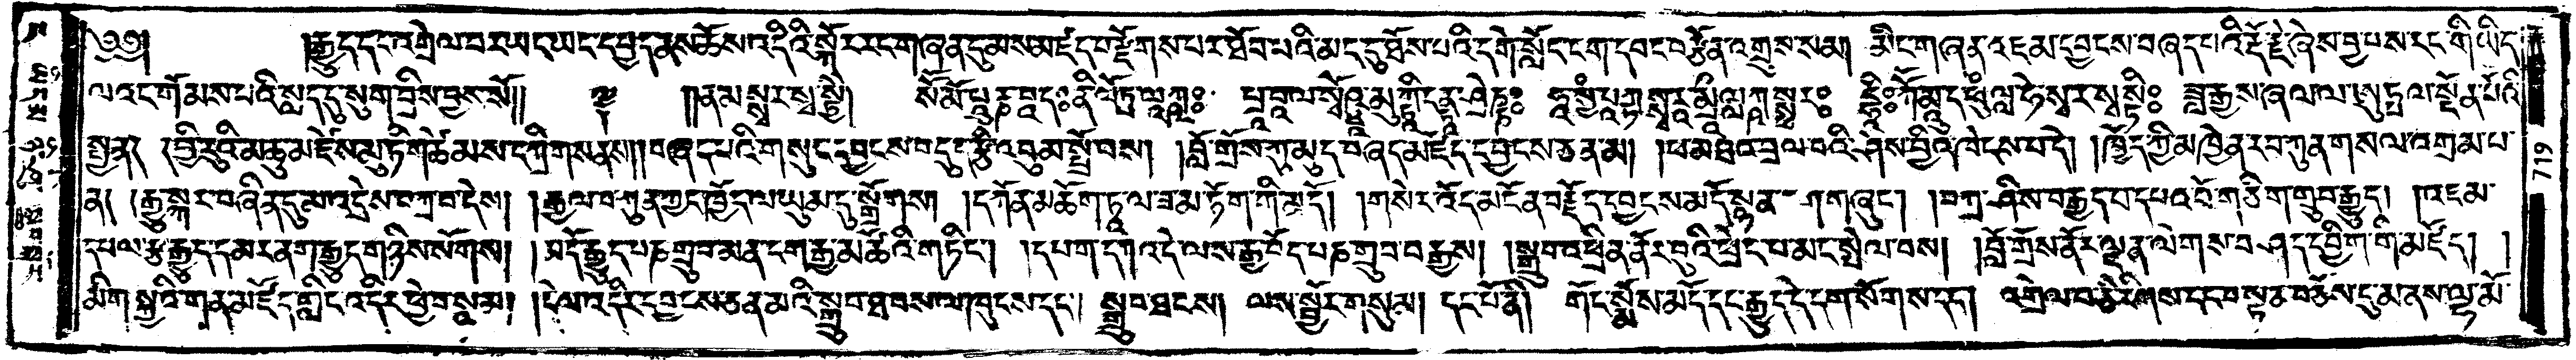༄༅། །རྒྱད་དང་འགྲེལ་བར་ཡང་ཡང་དཔྱད་ནས་ཆོས་འདིའི་སྐོར་རང་གཞན་དུ་མལ་མཛད་པ་རྫོགས་པར་ཐོབ་པའི་མང་དུ་ཐོས་པའི་དགེ་སློང་ངག་དབང་བརྩོན་འགྲུས་སམ། མིང་གཞན་འཇམ་དབྱངས་པ་ཞད་བའི་རྡོ་རྗེ་ཞེས་བྱ་བས་རང་གི་ཡིད་
ལའང་གོམས་པའི་སླད་དུ་སུག་བྲིས་བྱས་སོ།། ༈།།ན་མསྶྭར་སྭ་སྟྱཻ། སཽ་མོ་པཱུ་རྞ་བཱ་དཿ ནི་ལོཏྤལ་ལཱ་ཀཥ༑ ཕྲཱ་བཱ་ལ་སྭོཥྤཱ་མུ་ཀྟཱི་དནྟཱ་ཤྲེཎྞ༑ ཧཱ་སྱཾ་པཱ་གྒ་སྶྭ་རཱ་མྲཱྀ་ལླཀྵ་སྴརཿ དྷཱིཿ ཀཽ་མཱུ་ད་ཕུཾ་ལླ་ཧེ་སྭ་ར་སྭ་སྟིཿ ཟླ་རྒྱས་ཞལ་ལ་ཨུཏྤལ་ལ་སྡོན་པོའི་
སྤྱན༑ །བྱི་རུའི་མཚུ་མཛེས་མུ་ཏིག་ཚམས་དཀྲིགས་ནས། །བཞད་པའི་གསུང་དབྱངས་བདུད་རྩི་འབུམ་སྤྲོ་བས། །བློ་གྲོས་ཀུ་མུད་བཞད་མཛད་དབྱངས་ཅན་མ། །པ་མཐའ་བྲལ་བའི་ཤེས་བྱའ་ཁེངས་པ་དེ། །ཁྱོད་ཀྱི་མཁྱེན་རབ་ཀུན་གསལ་འགྲམ་པ་
ན༑ ༑རྒྱུ་སྐར་བཞིན་དུ་མ་འདྲེས་བཀྲ་བ་དེས། །རྒྱལ་བ་ཀུན་ཀྱང་ཁྱོད་ལ་ཡུམ་དུ་སྒྲོགས། །དཀོན་མཆོག་ཏཱ་ལ་ཟ་མ་ཏོག་གི་མདོ། །གསེར་འོད་མངོན་བརྗོད་དབྱངས་མདོ་སྙན་ག་གཞུང་། །བཀྲ་ཤིས་བརྒྱད་པ་དཔའ་པོ་གཅིག་གྲུབ་རྒྱུད། །འཇམ་
དཔལ་རྩ་རྒྱུད་དམར་ནག་རྒྱུད་གཉིས་སོགས། །མདོ་རྒྱུད་པཎ་གྲུབ་མན་ངག་རྒྱ་མཚོའི་གཏིང་། །དཔག་དཀའ་དེ་ལས་རྒྱ་བོད་པཎ་གྲུབ་བརྒྱས། །སྒྲུབ་འཕྲིན་ནོར་བུའི་ཕྲེང་པ་མང་སྤེལ་བས། །བློ་གྲོས་ནོར་ལྡན་ལེགས་བཤད་དབྱིག་གི་མཛོད།
མིག་ཀྱའི་གན་མཛོད་གླིང་འདིར་ཕྱེ་བ་སཱམ། །དེ་ལ་འདིར་དབྱངས་ཅན་མའི་སྒྲུབ་ཐབས་ལ་ཁུངས་དང་། སྒྲུབ་ཐབས། ལས་སྦྱོར་གསུམ། དང་པོ་ནི། གོང་སྨོས་མདོ་དང་རྒྱུད་དེ་དག་སོགས་དང་། ལྰྒྲེལ་བ་ཅི་རིགས་དང་བསྟན་བཅོམ་དུ་མ་ནས་ལྷ་མོ་